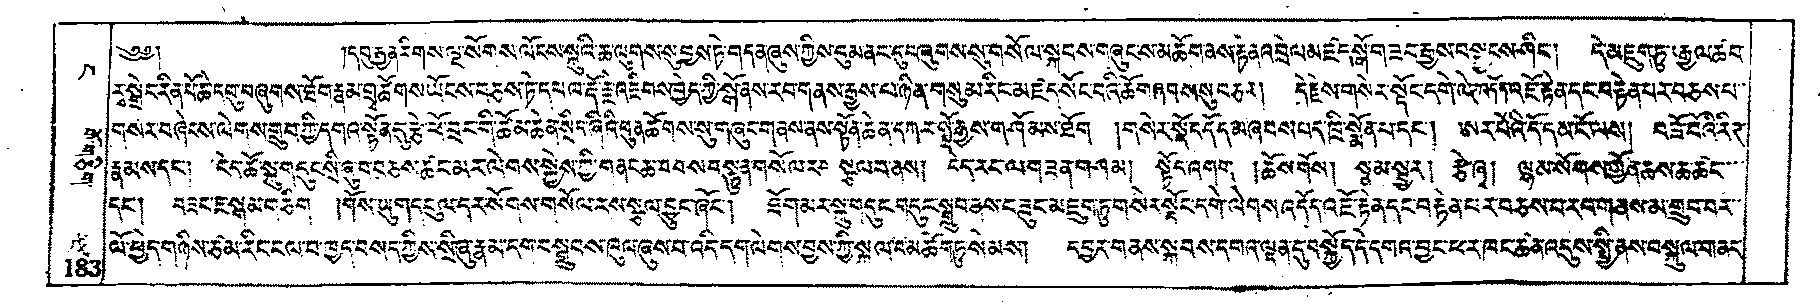༄༅། །དབུ་རྒྱན་རིགས་ལྔ་སོགས་ལོངས་སྐུའི་ཆ་ལུགས་སུ་བྱས་ཏེ་གདན་ཞུས་ཀྱིས་བུམ་ནང་དུ་བཞུགས་སུ་གསོལ་སྐབས་གཞུང་ས་མཆོག་ནས་རྟེན་འབྲེལ་མཛད་སྒོ་གཟབ་རྒྱས་བསྐྱངས་ཤིང་། དེ་མཇུག་ཏུ་༧རྒྱལ་ཚབ་
རྭ་སྒྲེང་རིན་པོ་ཆེ་དབུ་བཞུགས་ཐོག་རྣམ་གྲྭ་ཚོགས་ཡོངས་བཅས་ཏེ་དཔལ་རྡོ་རྗེ་འཇིགས་བྱེད་ཀྱི་སྒོ་ནས་རབ་གནས་རྒྱས་པ་ཉིན་གསུམ་རིང་མཛད་སོང་བའི་ཆོག་ཞབས་སུ་བཅར། དེ་རྗེས་གསེར་སྡོང་དགེ་ལེགས་འདོད་འཇོ་རྟེན་དང་བརྟེན་པར་བཅས་པ་
གསར་བཞེངས་ལེགས་གྲུབ་ཀྱི་དགའ་སྟོན་དུ་རྩེ་ཕོ་བྲང་གི་ཚོམ་ཆེན་སྲིད་ཞིའི་ཕུན་ཚོགས་སུ་གཞུང་གནས་ནས་སྟོན་ཆེན་དཀར་སྤྲོ་རྒྱས་གཤོམས་ཐོག །གསེར་སྡོང་དོ་དམ་ཞབས་པད་ཁྲི་སྨོན་པ་དང་། ཨར་པོའི་དོ་དམ་ངོ་ལས། བཟོ་བོའི་རིགས་
རྣམས་དང་། ངེད་ཚོ་སྐུ་གདུང་སྲི་ཞུ་བ་བཅས་ཚང་མར་ལེགས་སྐྱེས་ཀྱི་གནང་ཆ་བབས་བསྟུན་གསོལ་རབ་སྩལ་བ་ནས། ངེད་རང་ལ་གཟན་གཤམ། སྟོད་འགག །ཆོས་གོས། སྣམ་སྦྱར། རྩེ་ཞྭ། ལྷམ་སོགས་གྱོན་ཆས་ཆ་ཚང་
དང་། བཟང་ཇ་སྒམ་གཅིག །གོས་ཡུག་དངུལ་དར་སོགས་གསོལ་རས་སྩལ་བྱུང་ཞོང་། ཐོག་མར་སྐུ་གདུང་གདུང་སྒྲུབ་ནས་བཟུང་མཇུག་ཏུ་གསེར་སྡོང་དགེ་ལེགས་འདོད་འཇོ་རྟེན་དང་བརྟེན་པར་བཅས་པ་རབ་གནས་མ་གྲུབ་བར་
ལོ་ཕྱེད་གཉིས་ཙམ་རིང་ངལ་བ་ཁྱད་བསད་ཀྱིས་སྲི་ཞུ་རྣམ་དག་བསྒྲུབས་ཁུལ་ཞུས་པ་འདི་དག་ལེགས་བྱས་ཀྱི་སྐལ་བ་མཆོག་ཏུ་སེམས། དབྱར་གནས་སྐབས་དགའ་ལྡན་དུ་བསྐྱོད་དེ་དགའ་བྱང་ཕ་ར་ཁང་ཚན་འདུས་སྤྱི་ནས་བསྐུལ་གནང་